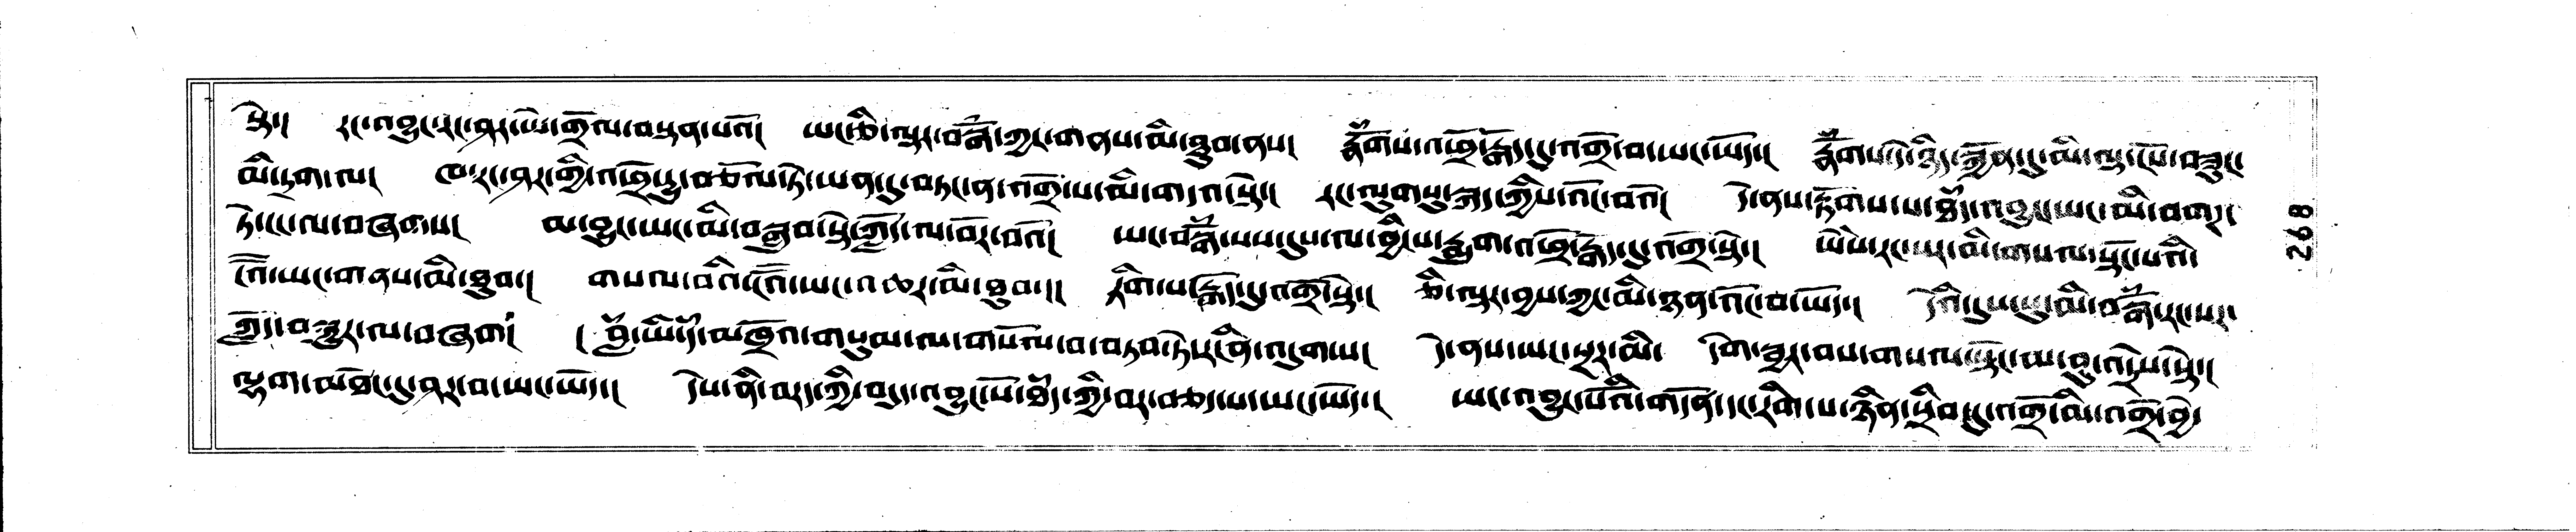སྟེ། རང་འབྱུང་རང་ཤར་གྱིས་གྲོལ་ཆ་བསྟོན་པའོ། ཡང་ཅི་ལྟར་བསྒོམ་ཀྱང་གནས་མི་ཐུབ་ནས། རྣམ་རྟོག་འཕྲོ་དགོད་འགྲོ་བ་ཡང་ཡོད། དེའི་དོན་ལ་རྣམ་རྟོག་དེ་ཉིད་སྐྱོན་དུ་མ་ལྟ། ངོས་བཟུང་
མི་དྲག་ལ། ཁོ་རང་ཤད་ཀྱིས་འགྲོ་སྟེ་ཡན་དུ་བཏང་ན་འགྲོ་ས་མེད། རང་ལུགས་སུ་ཀད་ཀྱིས་འོང་པའོ། དེ་ན་རྟོག་པ་ཐམས་ཅད་བྱུང་ཡང་མི་བཀག་
ངང་ལ་བཞག མ་བྱུང་ཡང་མི་བསྒྲུབ་སྟེ་རང་ལུགས་སུ་ཀློད་ལ་བོར་བའོ། ཡང་བསྒོམ་པའི་དུས་ལ་བྱིང་རྨུག་འཕྲོ་དགོད་དུ་འགྲོ་སྟེ། ཡེ་ཤེས་རང་སར་མི་གསལ། སྟོང་པའི་
ངོའོ་ཡང་གནས་མི་ཐུབ། གསལ་བའི་ངོའོ་ཡང་འཆར་མི་གཏུབ། རིག་པ་དགོད་དུ་འགྲོ་སྟེ་ཅི་ལྟར་བྱས་ཀྱང་མི་ཉན་པ་འོང་བ་ཡོད། དེའི་དུས་སུ་མི་བསྒོམ་རང་སར་
ལྷོད་དེ་བསྐྱུར་ལ་བཞག བླ་མ་ཡི་དམ་མཁའ་འགྲོའི་ཚོགས་ལ་གསོལ་བ་བཏབ་ལ་རང་བཞིན་དུ་འདུག དེ་ན་ཡང་སྔར་ཡི་༼གྱི༽དགེ་སྦྱོར་བེས། གསལ་སྟོང་མ་བུ་འདྲེས་ཏེ་
ལྷག་མཐོང་དུ་ཤར་བ་ཡོད། དེ་ཡང་བར་ཆོད་ཀྱིས་བདུད་འབྱུང་པོ་ཐམས་ཅད་བར་བཅད་པ་ཡང་ཡོང་། ཡང་འབྱུང་པའི་གནད་དང་རིག་པ་ཉིན་སྲིབ་དུ་འགྲོ་མི་འགྲོའི་བྱེ་